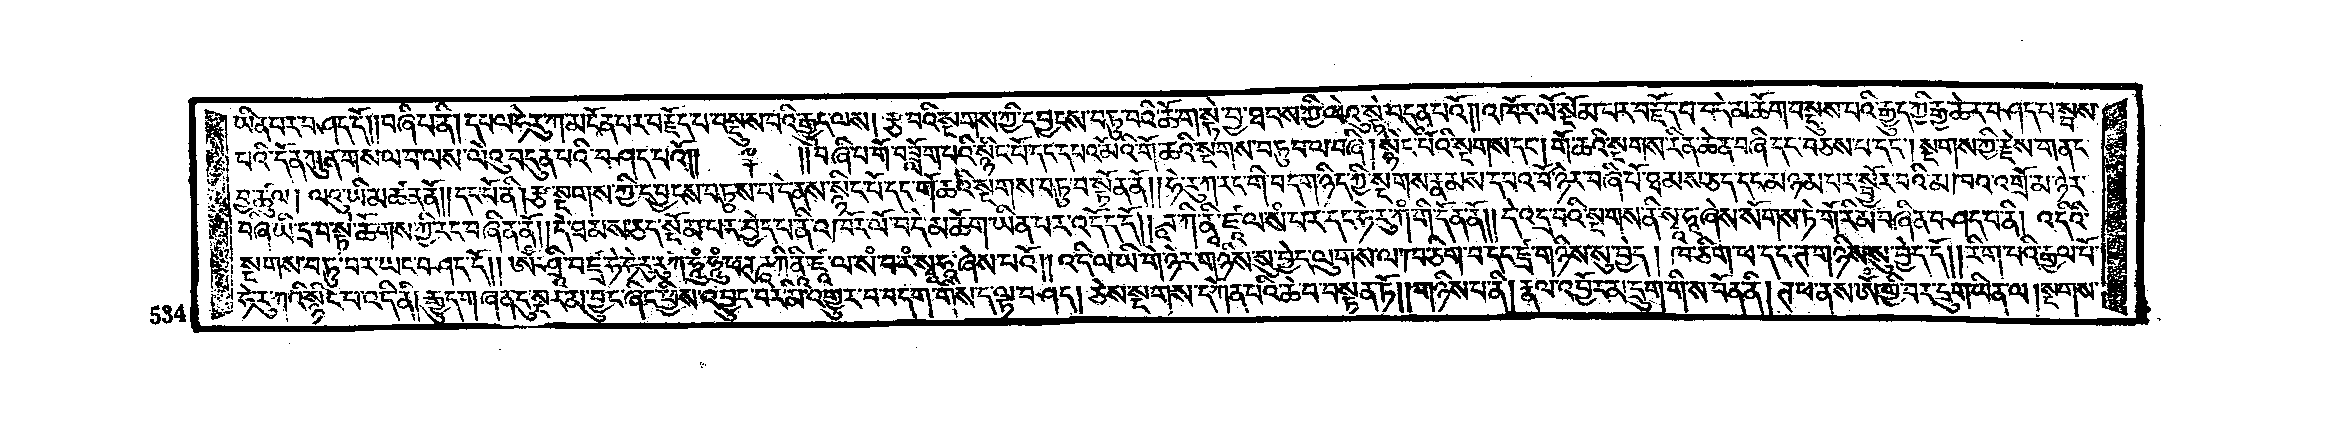ཡིན་པར་བཤད་དོ། །བཞི་པ་ནི། དཔལ་ཧེ་རུ་ཀ་མངོན་པར་བརྗོད་པ་བསྡུས་པའི་རྒྱུད་ལས། རྩ་བའི་སྔགས་ཀྱི་དབྱངས་བཏུ་བའི་ཆོ་ག་སྟེ་བྱ་ཐབས་ཀྱི་ལེའུ་སྟེ་བདུན་པའོ། །འཁོར་ལོ་སྡོམ་པར་བརྗོད་པ་བདེ་མཆོག་བསྡུས་པའི་རྒྱུད་ཀྱི་རྒྱ་ཆེར་བཤད་པ་སྦས་
པའི་དོན་ཀུན་གསལ་བ་ལས་ལེའུ་བདུན་པའི་བཤད་པའོ།། ༈ །།བཞི་པ་གོ་བཟློག་པའི་སྙིང་པོ་དང་དཔའ་མོའི་གོ་ཆའི་སྔགས་བཏུབ་ལ་བཞི། སྙིང་པོའི་སྔགས་དང་། གོ་ཆའི་སྔགས་རིན་ཆེན་བཞི་དང་བཅས་པ་དང་། སྔགས་ཀྱི་རྗེས་གནང་
བྱ་ཚུལ། ལེའུ་ཡི་མཚན་ནོ། །དང་པོ་ནི། རྩ་སྔགས་ཀྱི་དབྱངས་བཏུས་པ་དེ་ནས་སྙིང་པོ་དང་གོ་ཆའི་སྔགས་བཏུ་བ་སྟོན་ནོ། །ཧེ་རུ་ཀ་རང་གི་བདག་ཉིད་ཀྱི་སྔགས་རྣམས་དཔའ་བོ་ཉེར་བཞི་པོ་ཐམས་ཅད་དང་མཉམ་པར་སྦྱོར་བའི་མཁའ་འགྲོ་མ་ཉེར་
བཞི་ཡི་དྲ་བ་སྟེ་ཚོགས་ཀྱི་རང་བཞིན་ནོ། །དེ་ཐམས་ཅད་སྡོམ་པར་བྱེད་པ་ནི་འཁོར་ལོ་བདེ་མཆོག་ཡིན་པར་འདོད་དོ། །ཌཱ་ཀི་ནཱི་ཛཱ་ལ་སཾ་པར་དང་ཧེ་རུ་ཀཾ་གི་དོན་ནོ། །དེ་འདྲ་བའི་སྔགས་ནི་སྭཱ་ཧཱ་ཞེས་སོགས་ཏེ་གོ་རིམ་བཞིན་བཤད་པ་ནི། འདིའི་
སྔགས་བཏུ་བར་ཡང་བཤད་དོ། །ཨོཾ་ཤྲཱི་བཛྲ་ཧེ་ཧེ་རུ་རུ་ཀི་ཧཱུཾ་ཧཱུཾ་ཕཊ་ཌཱ་ཀི་ནཱི་ཛཱ་ལ་སཾ་བ་རཾ་སྭཱ་ཧཱ་ཞེས་པའོ། །འདི་ལ་ཡི་གེ་ཉེར་གཉིས་སུ་བྱེད་ལུགས་ལ་ཁ་ཅིག་བ་དང་ཛྲ་གཉིས་སུ་བྱེད། ཁ་ཅིག་ཕ་དང་ཊ་གཉིས་སུ་བྱེད་དོ། །རིག་པའི་རྒྱལ་པོ་
ཧེ་རུ་ཀའི་སྙིང་པ་འདི་ནི། རྒྱུད་གཞན་དུ་སྔར་མ་བྱུང་ཞིང་ཕྱིས་འབྱུང་བར་མི་འགྱུར་བ་བདག་གིས་ད་ལྟ་བཤད། ཅེས་སྔགས་དཀོན་པའི་ཆེ་བ་བསྟན་ཏོ། །གཉིས་པ་ནི། རྣལ་འབྱོར་མ་དྲུག་གི་ས་བོན་ནི། ཊ་ཕ་ནས་ཨོཾ་གྱི་བར་དྲུག་ཡིན་ལ། སྔགས་